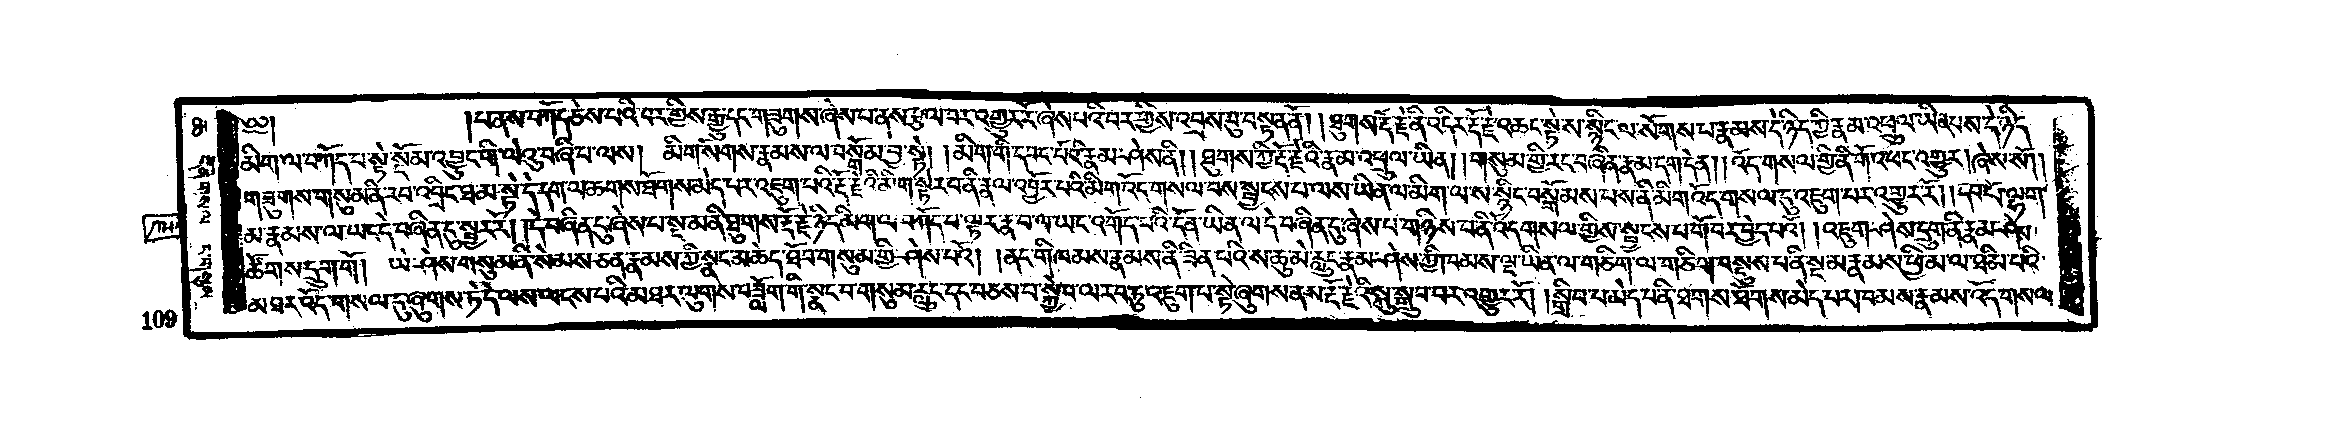༄༅། །པ་ནས་བཀོད་ཅེས་པའི་བར་གྱིས་རྒྱུ་དང་གཟུགས་ཞེས་པ་ནས་རྩལ་བར་འགྱུར་རོ་ཞེས་པའི་བར་གྱིས་འབྲས་བུ་བསྟན་ནོ། །ཐུགས་རྡོ་རྗེ་ནི་འདིར་རྡོ་རྗེ་འཆང་སྟེ་ས་སྙིང་ལ་སོགས་པ་རྣམས་དེ་ཉིད་ཀྱི་རྣམ་འཕྲུལ་ཡིན་པས་དེ་ཉིད་
མིག་ལ་བཀོད་པ་སྟེ་སྡོམ་འབྱུང་གི་ལེའུ་བཞི་པ་ལས། མིག་སོགས་རྣམས་ལ་བསྒོམ་བྱ་སྟེ། མིག་གི་དབང་པོའི་རྣམ་ཤེས་ནི། །ཐུགས་ཀྱི་རྡོ་རྗེའི་རྣམ་འཕྲུལ་ཡིན། །གསུམ་གྱི་རང་བཞིན་རྣམ་དག་དོན། །འོད་གསལ་གྱི་ནི་གོ་འཕང་འགྱུར། །ཞེས་སོ། །
གཟུགས་གསུམ་ནི་རབ་འབྲིང་ཐ་མ་སྟེ་དེ་དག་ལ་ཆགས་ཐོགས་མེད་པར་འཇུག་པའི་རྡོ་རྗེའི་མིག་སྟེར་བ་ནི་རྣལ་འབྱོར་པའི་མིག་འོད་གསལ་བས་སྦྱངས་པ་ལས་ཡིན་ལ་མིག་ལས་སྙིང་བསྒོམས་པས་ནི་མིག་འོད་གསལ་དུ་འཇུག་པར་འགྱུར་རོ། །དབང་པོ་ལྷག་
མ་རྣམས་ལ་ཡང་དེ་བཞིན་དུ་སྦྱར་རོ། །དེ་བཞིན་དུ་ཞེས་པ་སྔ་མ་ནི་ཐུགས་རྡོ་རྗེ་ཉིད་མིག་ལ་བཀོད་པ་ལྟར་རྣ་བ་ལ་ཡང་འགོད་པའི་དོན་ཡིན་ལ་དེ་བཞིན་དུ་ཞེས་པ་གཉིས་པ་ནི་འོད་གསལ་གྱིས་སྦྱངས་པ་གོ་བར་བྱེད་པའོ། །འཇུག་ཤེས་དྲུག་ནི་རྣམ་ཤེས་
ཚོགས་དྲུག་གོ །ཡེ་ཤེས་གསུམ་ནི་སེམས་ཅན་རྣམས་ཀྱི་སྣང་མཆེད་ཐོབ་གསུམ་གྱི་ཤེས་པའོ། །ནང་གི་ཁམས་རྣམས་ནི་ཟིན་པའི་ས་ཆུ་མེ་རླུང་རྣམ་ཤེས་ཀྱི་ཁམས་ལྔ་ཡིན་ལ་གཅིག་ལ་གཅིག་བསྡུས་པ་ནི་སྔ་མ་རྣམས་ཕྱི་མ་ལ་ཐིམ་པའི་
མཐར་འོད་གསལ་དུ་ཞུགས་ཏེ་དེ་ལས་ལངས་པའི་མཐར་ལུགས་བཟློག་གི་སྣང་བ་གསུམ་རླུང་དང་བཅས་པ་སྐྱེ་བ་ལ་རབ་ཏུ་འཇུག་པ་སྟེ་ཞུགས་ནས་རྡོ་རྗེའི་སྐུ་སྒྲུབ་པར་འགྱུར་རོ། །སྒྲིབ་པ་མེད་པ་ནི་ཐགས་ཐོགས་མེད་པར་ཁམས་རྣམས་འོད་གསལ་